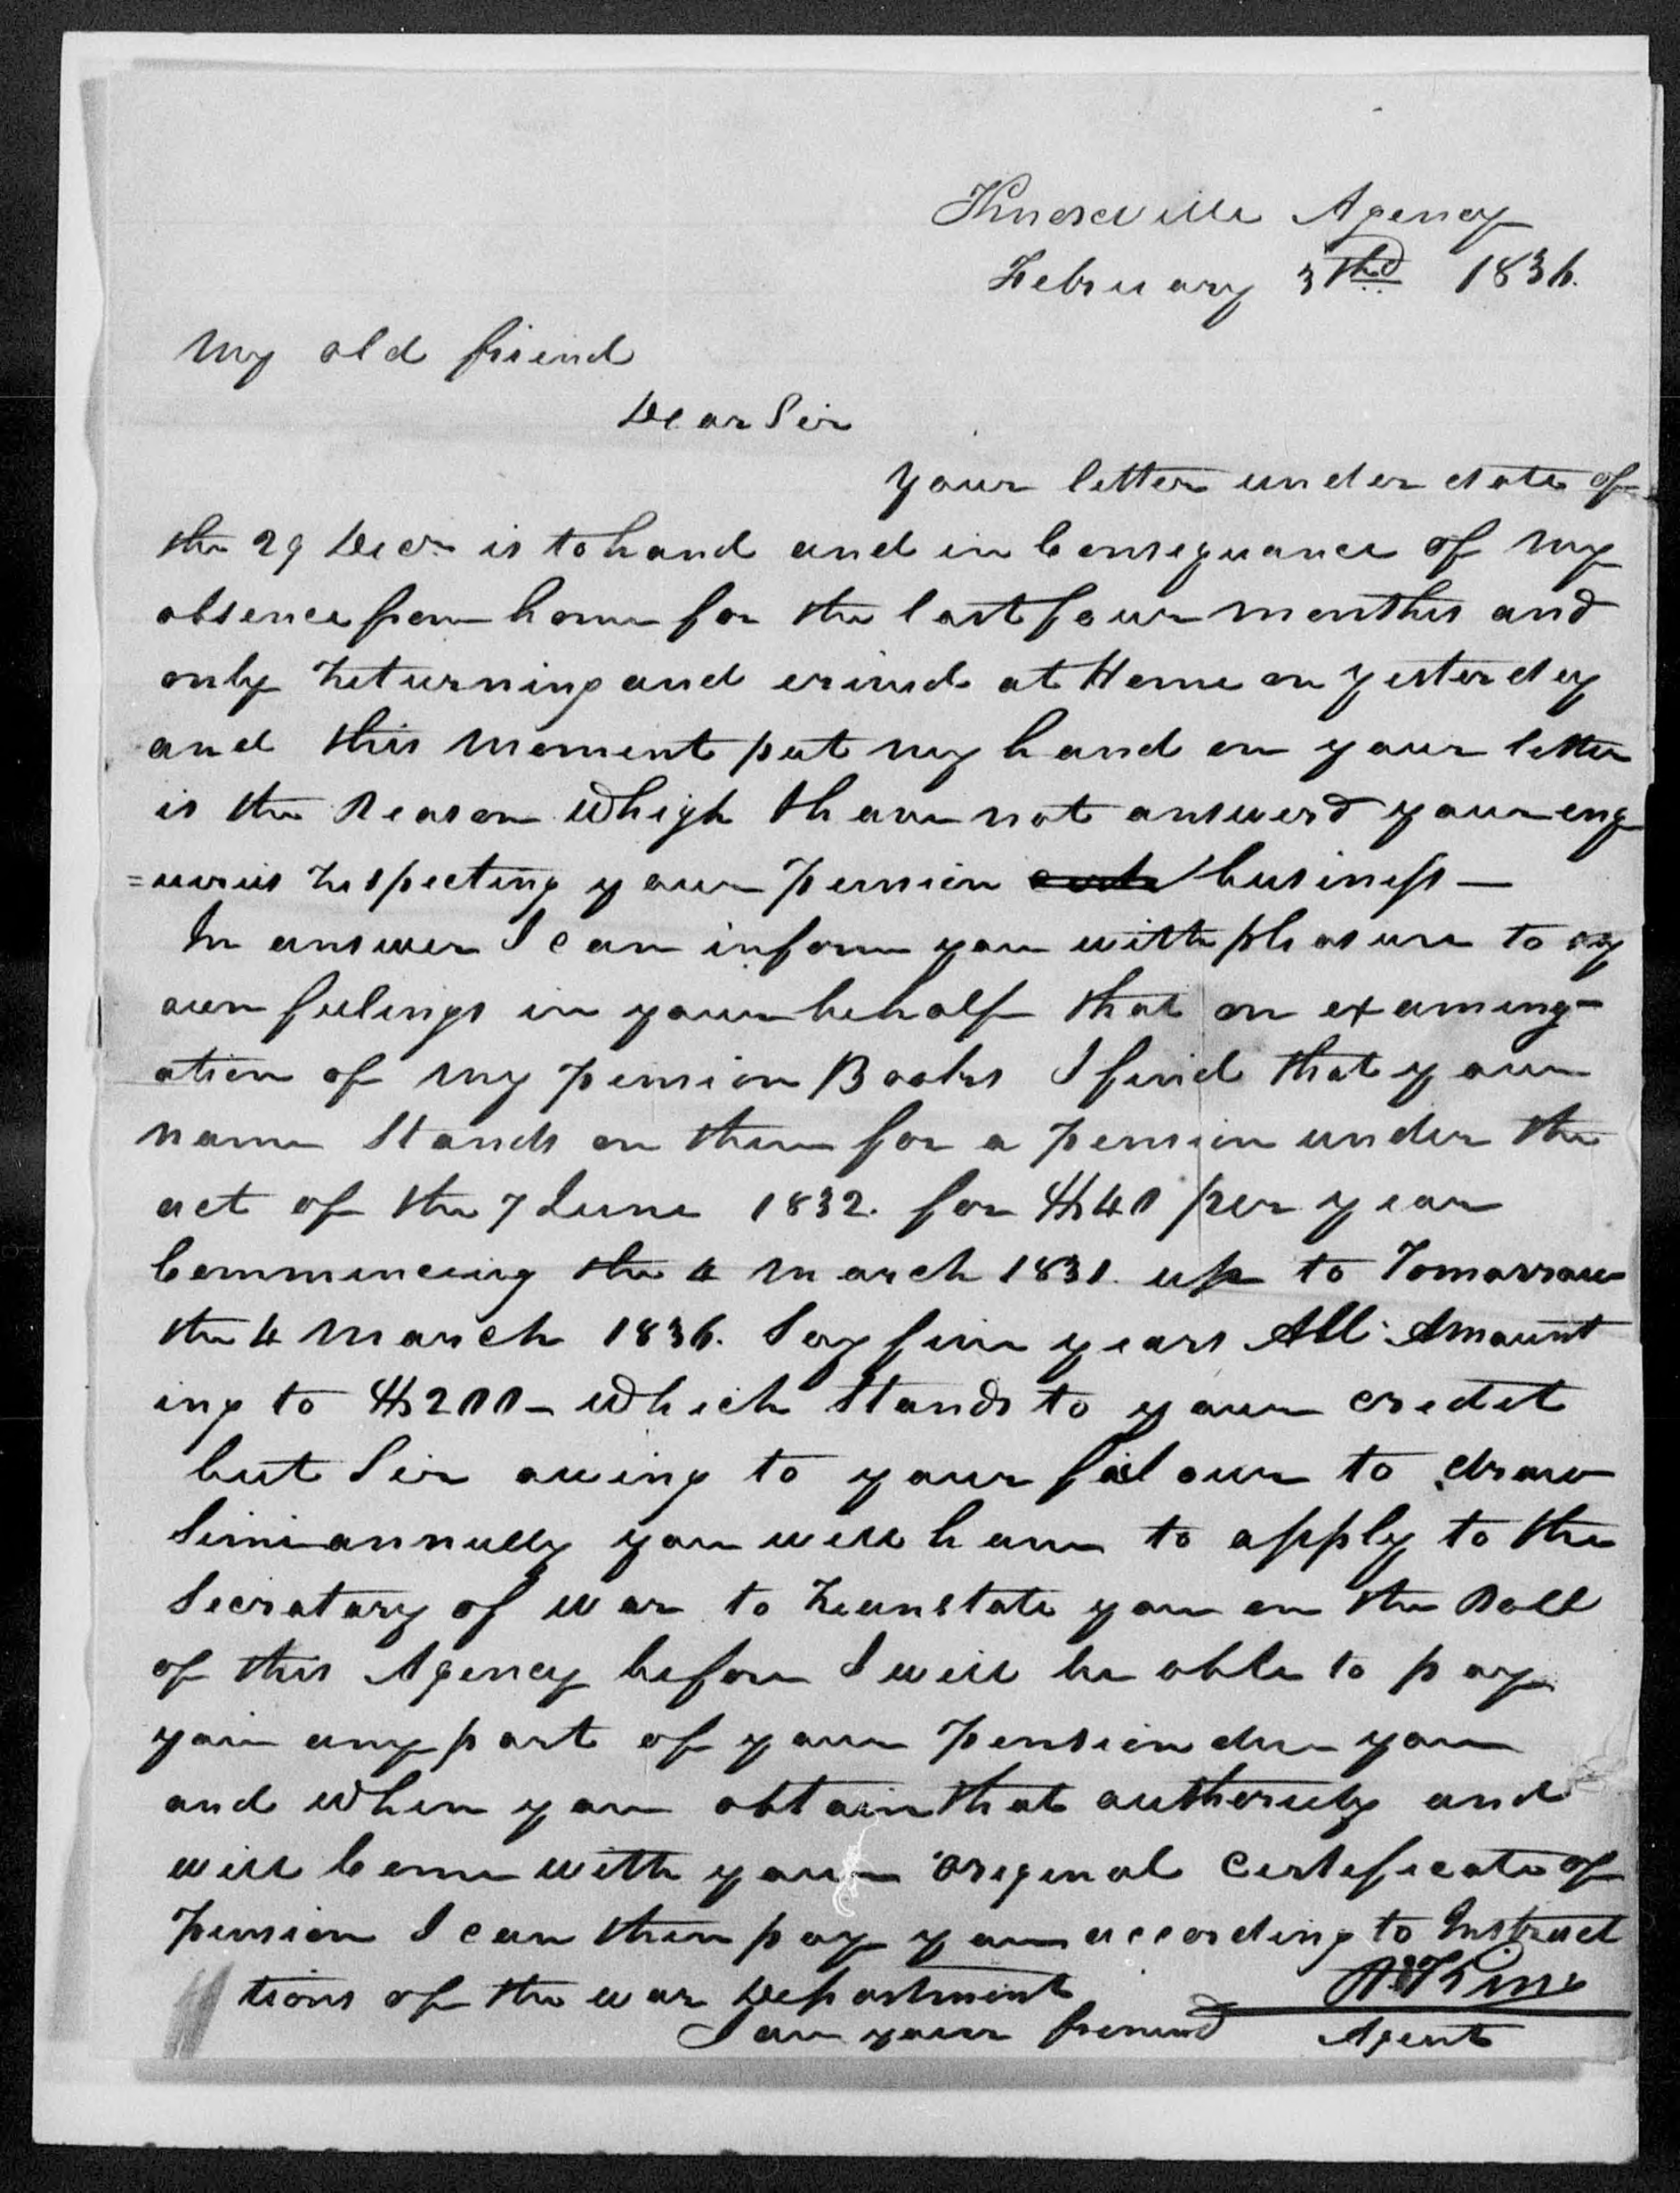? Agency
February 3thd, 1836

My old friend
Dear Sir

Your letter under date of the 29 Dec. is to hand and in Consequence of my absence from home for the last four months and only returning and arrived at Home on yesterday and this moment put my hand on your letter is the Reason Whigh[sp] I have not answerd[sp] your enquiries respecting your pension has in

In answer I can inform you with pleasure to my own feelings in your behalf that on examination[sp] of my pension Books I find that your name Stands on them for a pension under the act of the 7June 1832. For than per year Commencing the 4 march 1831 up to Tomorrow the 4 March 1836.  ? Five years All Amounting to $200- -Which Stands to your credit but ? ? To your failure to draw Semiannuall[sp] your well have to apply to the Secretary of war to re enstate you on the Roll of this Agency before I will be able to pay you any part of your pension ? You and when you obtain that authereby and will Come with your original certificate of pension I can then pay you according to Instructtions[sp] of the War Department

I am your friend
A. Thomas
Agent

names: A F Ping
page: 17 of 42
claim: survivor's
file: S. 31,595, John Carmickele, Penn.